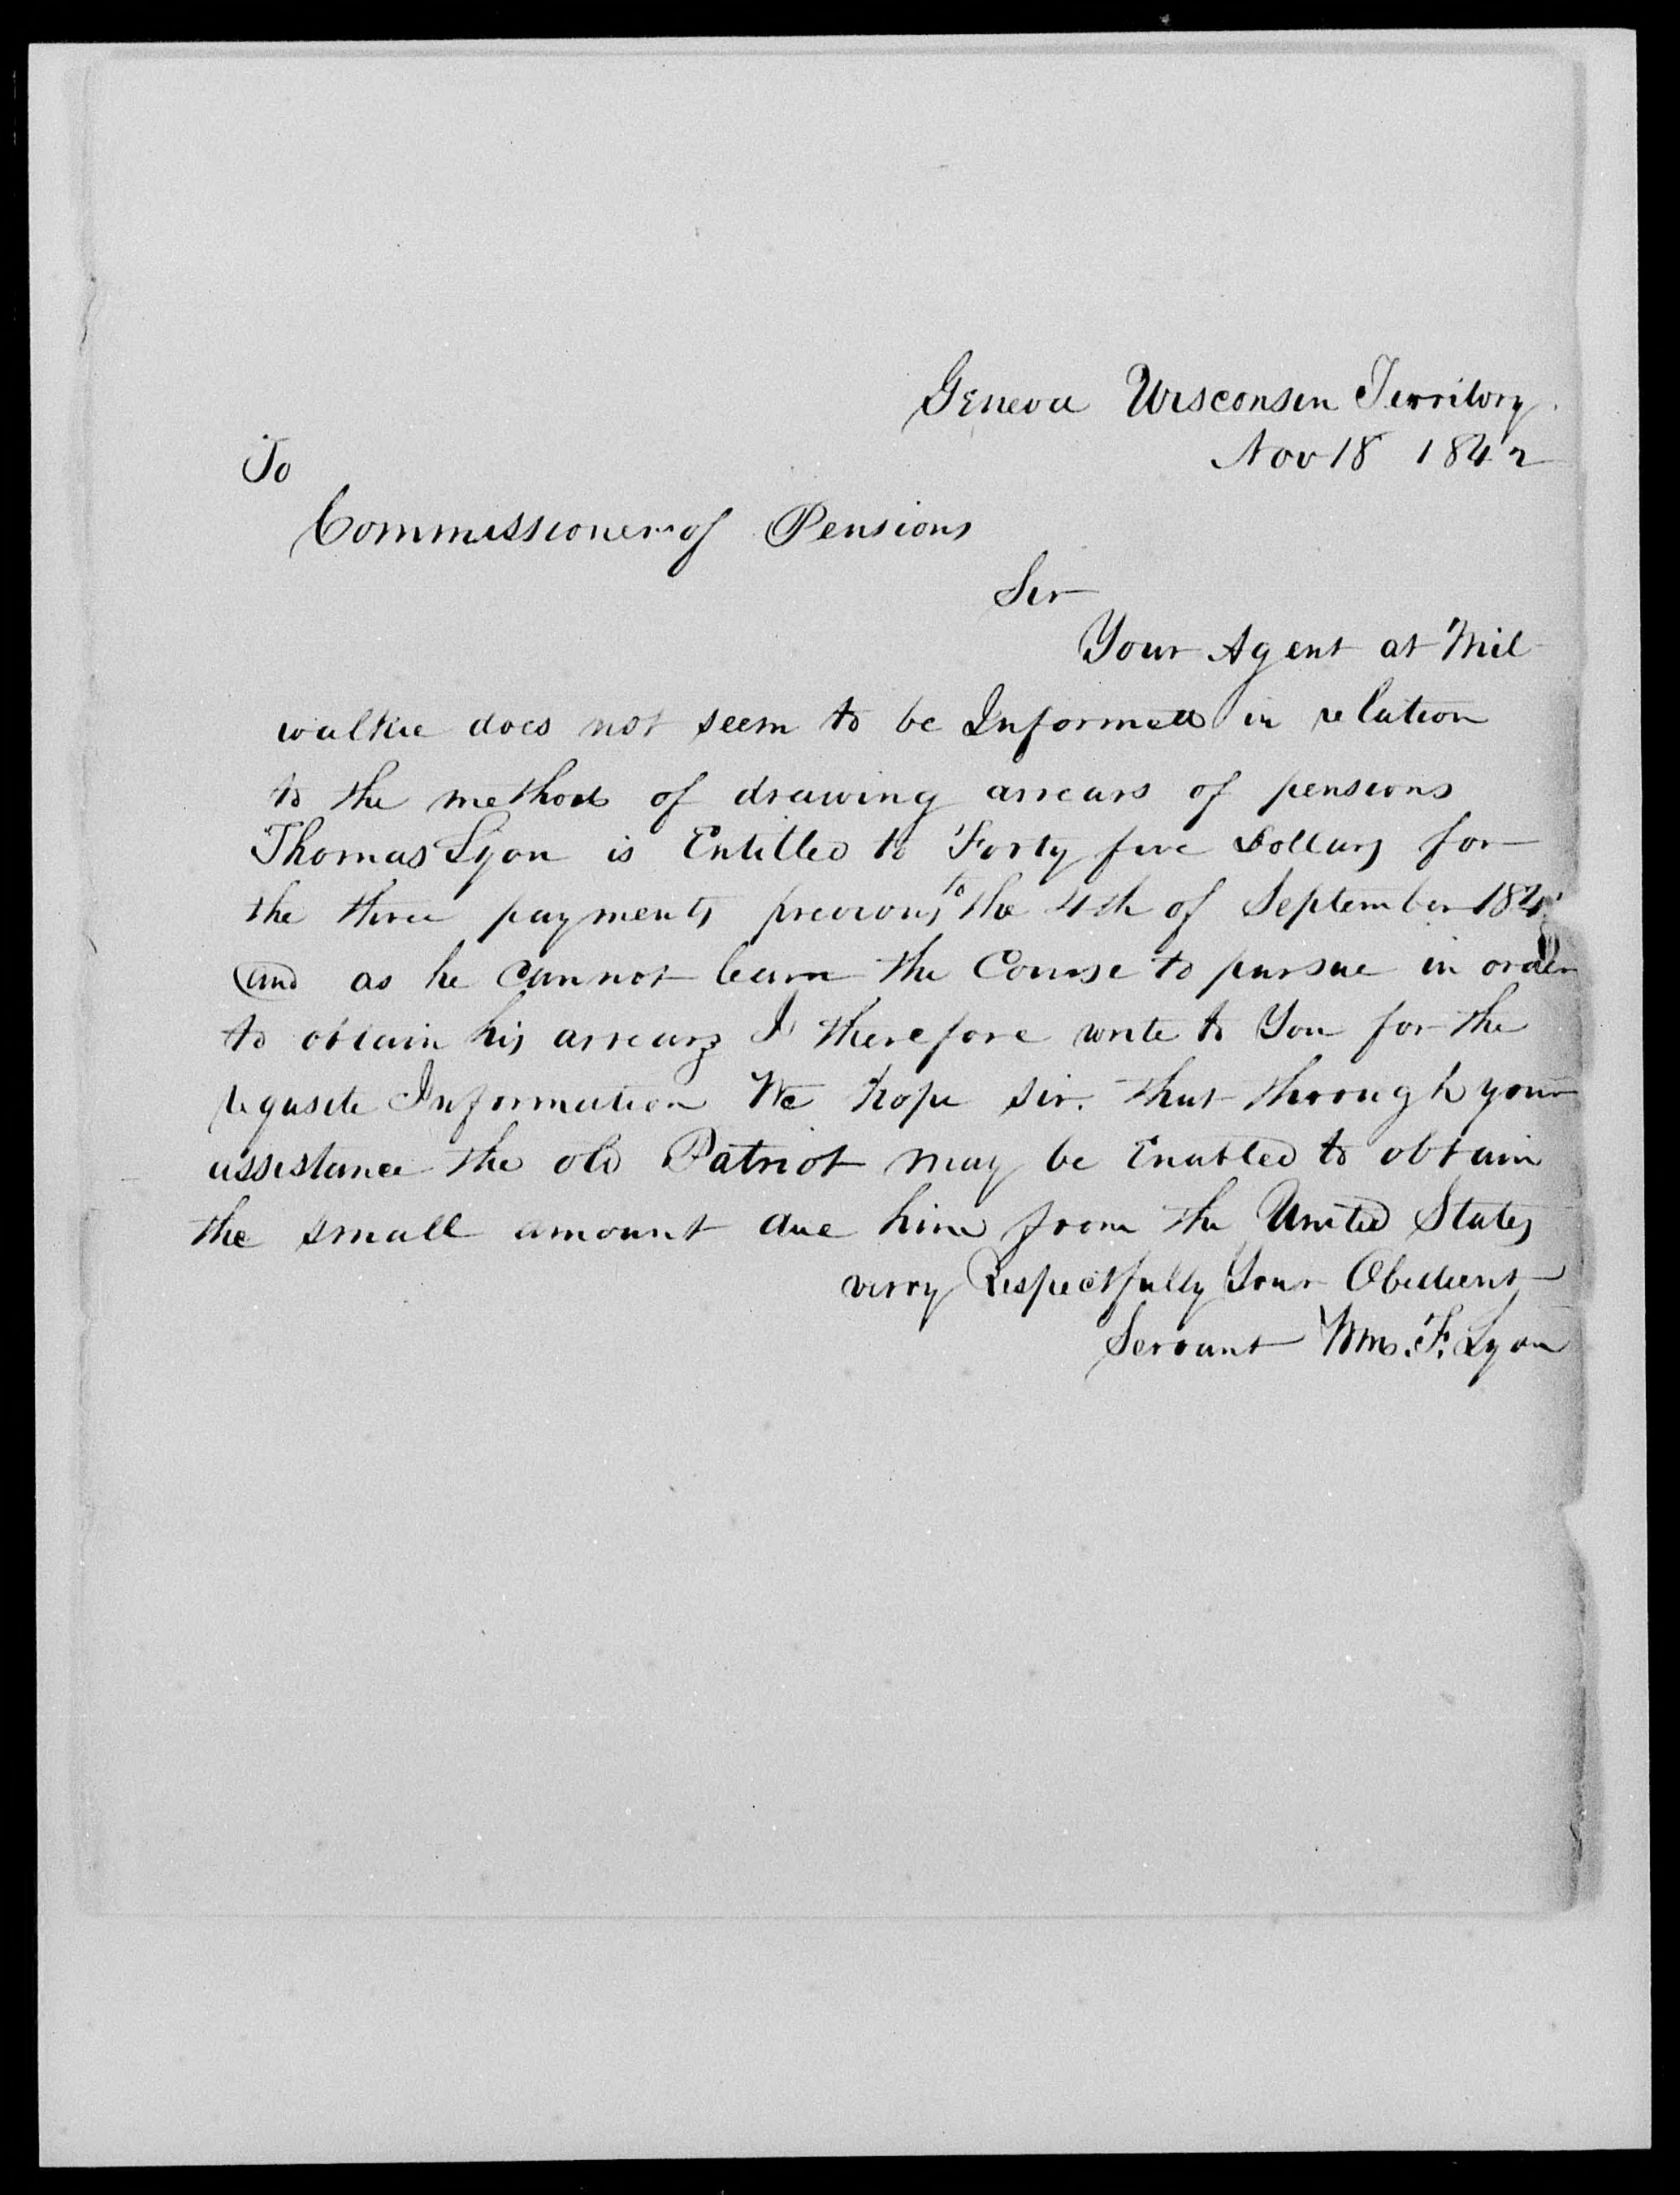Geneva Wisconsin Territory
Nov 18 1842
To Commissioner of Pensions
Sir
Your Agent at Millwaulkee[Milwaukee] does not seem to be informed in relation to the method of drawing arrears of pensions Thomas Lyon is entitled to forty five Dollars for
the three payments previous to the 4th of September 184[2?] and as he cannot learn the course to pursue in order to obtain his arrears I therefore write to you for the requisite Information we hope sir, that through your assistance the old patriot may be enabled to obtain
the small amount due him from the United States
verry Respectfully your Obedient
Servant Wm. F. Lyon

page: 23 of 28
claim: survivor's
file: S. 21,872, for Thomas Lyon, New York